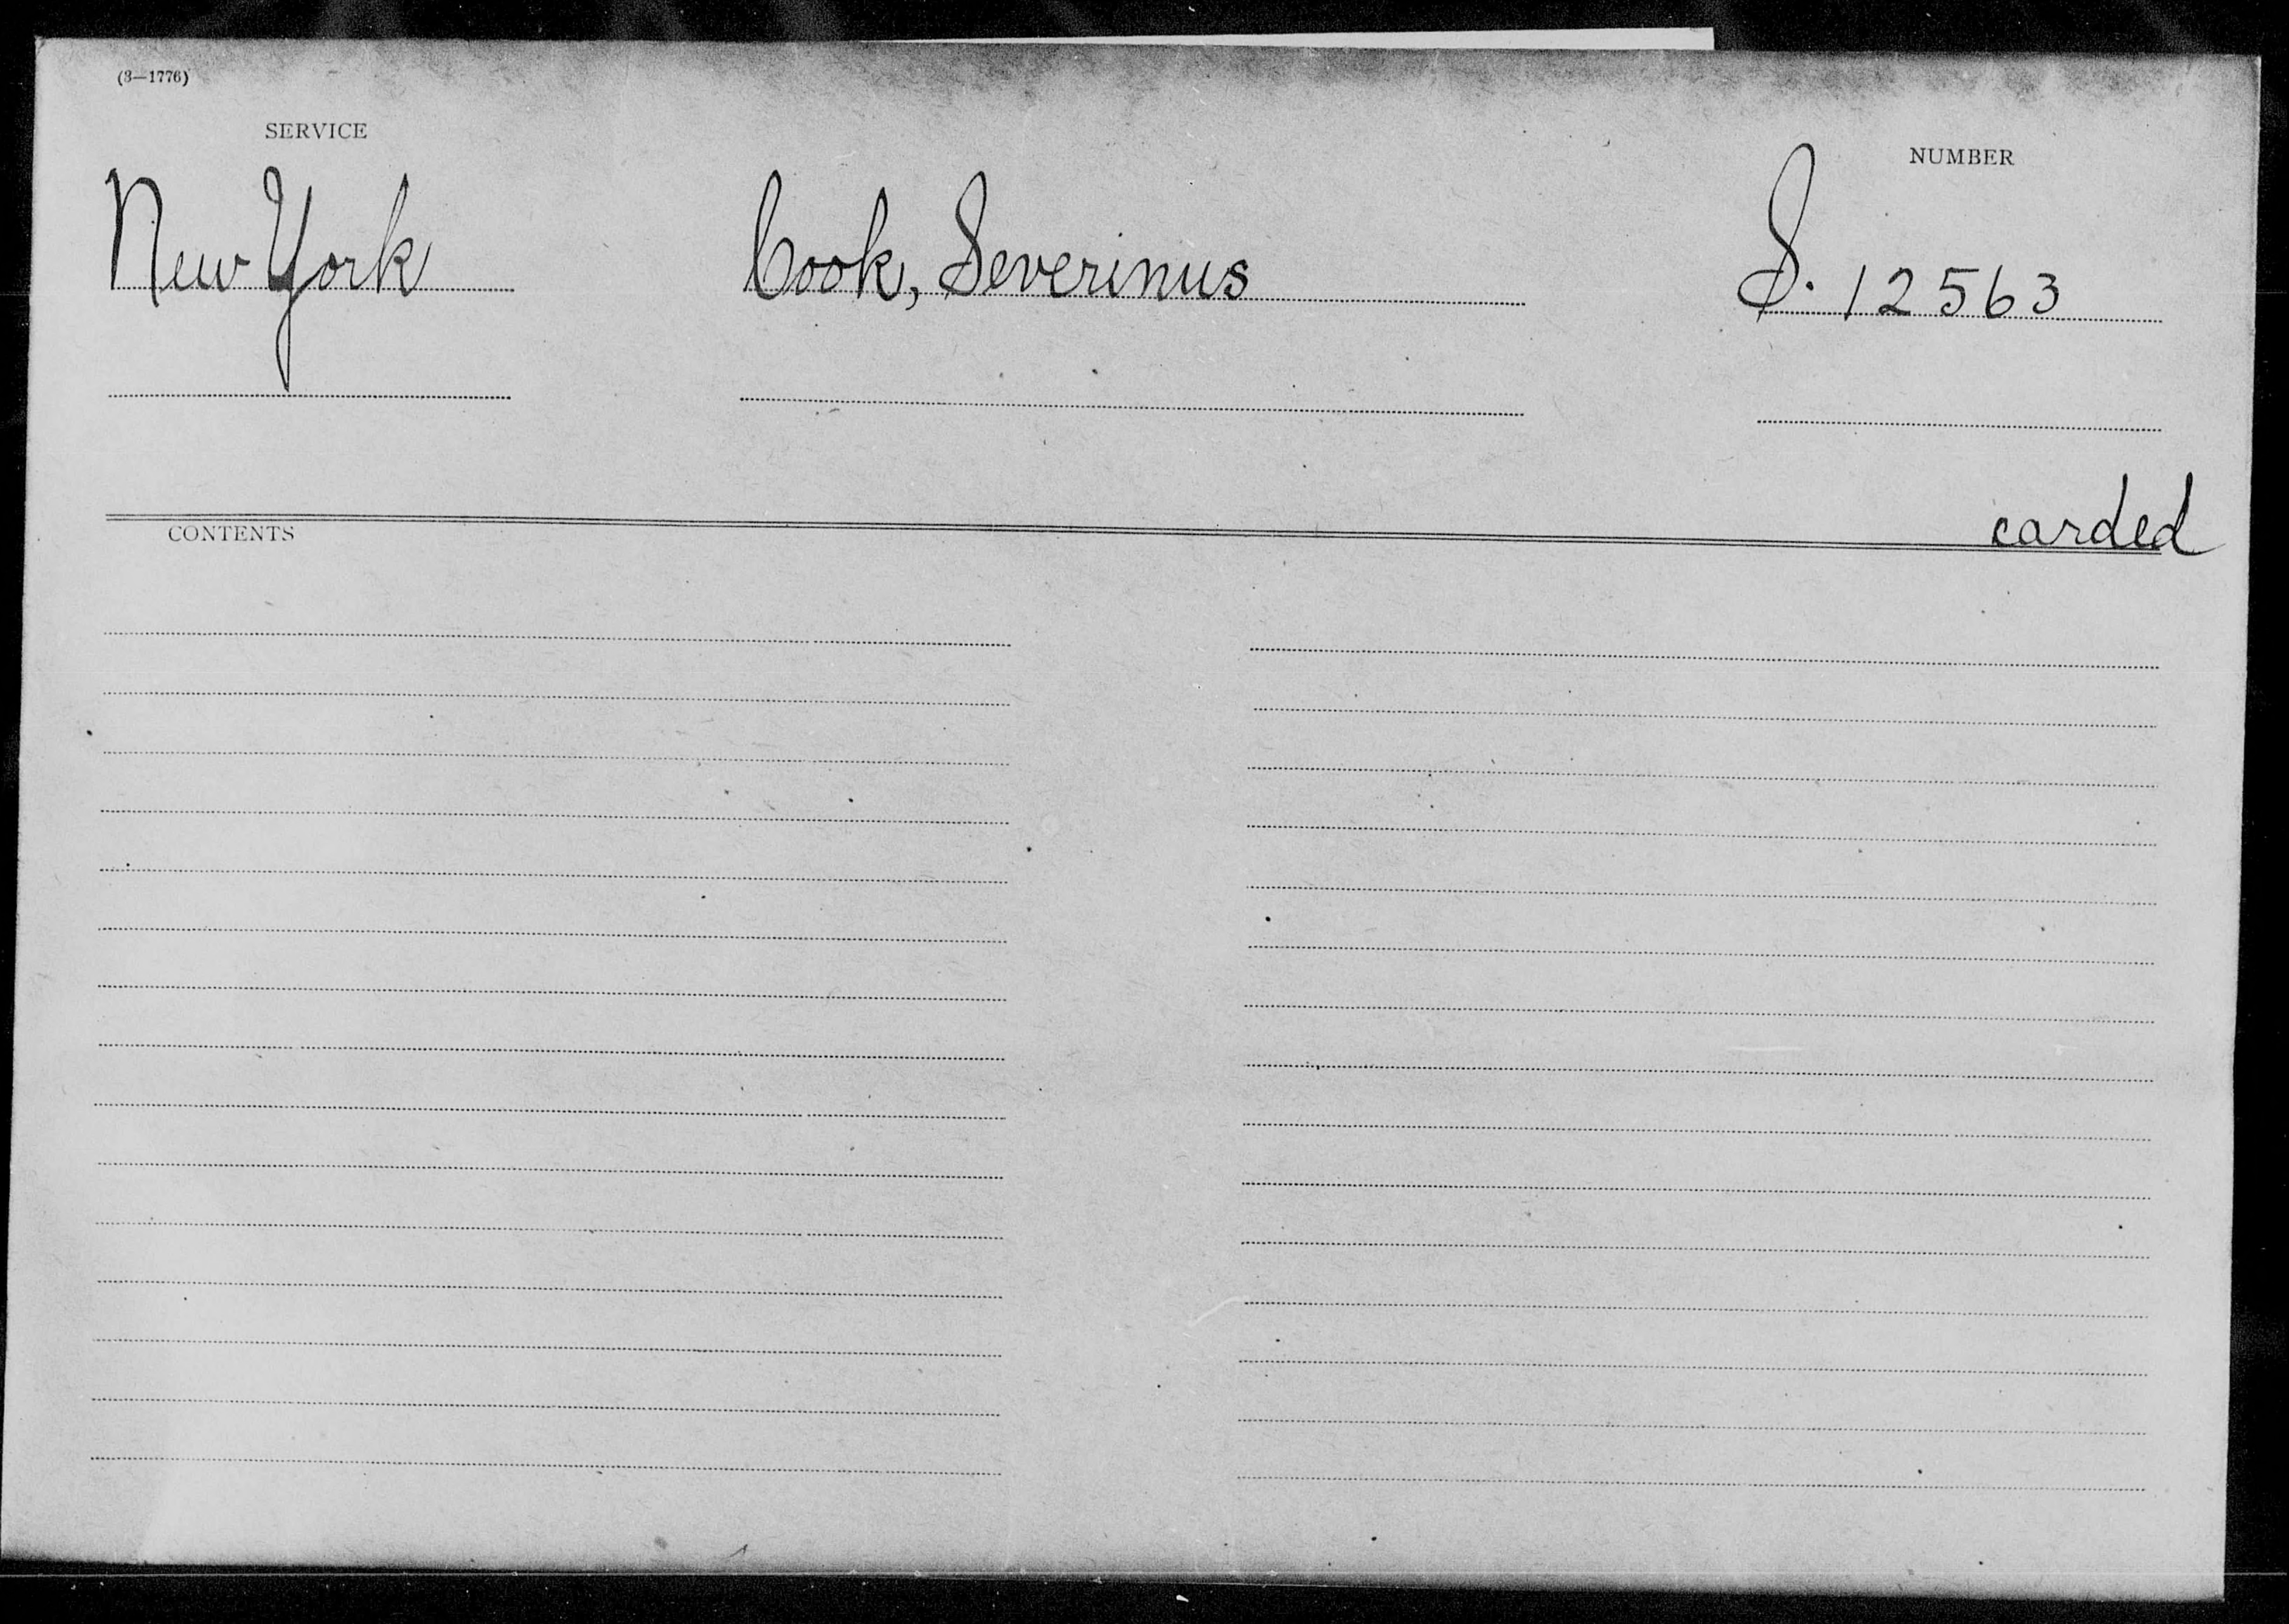(3-1776)
SERVICE                                                   NUMBER
New York      Cook, Severinus                 S. 12563
carded

CONTENTS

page: 1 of 51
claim: survivor's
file: S. 12563, Severinus Cook, New York